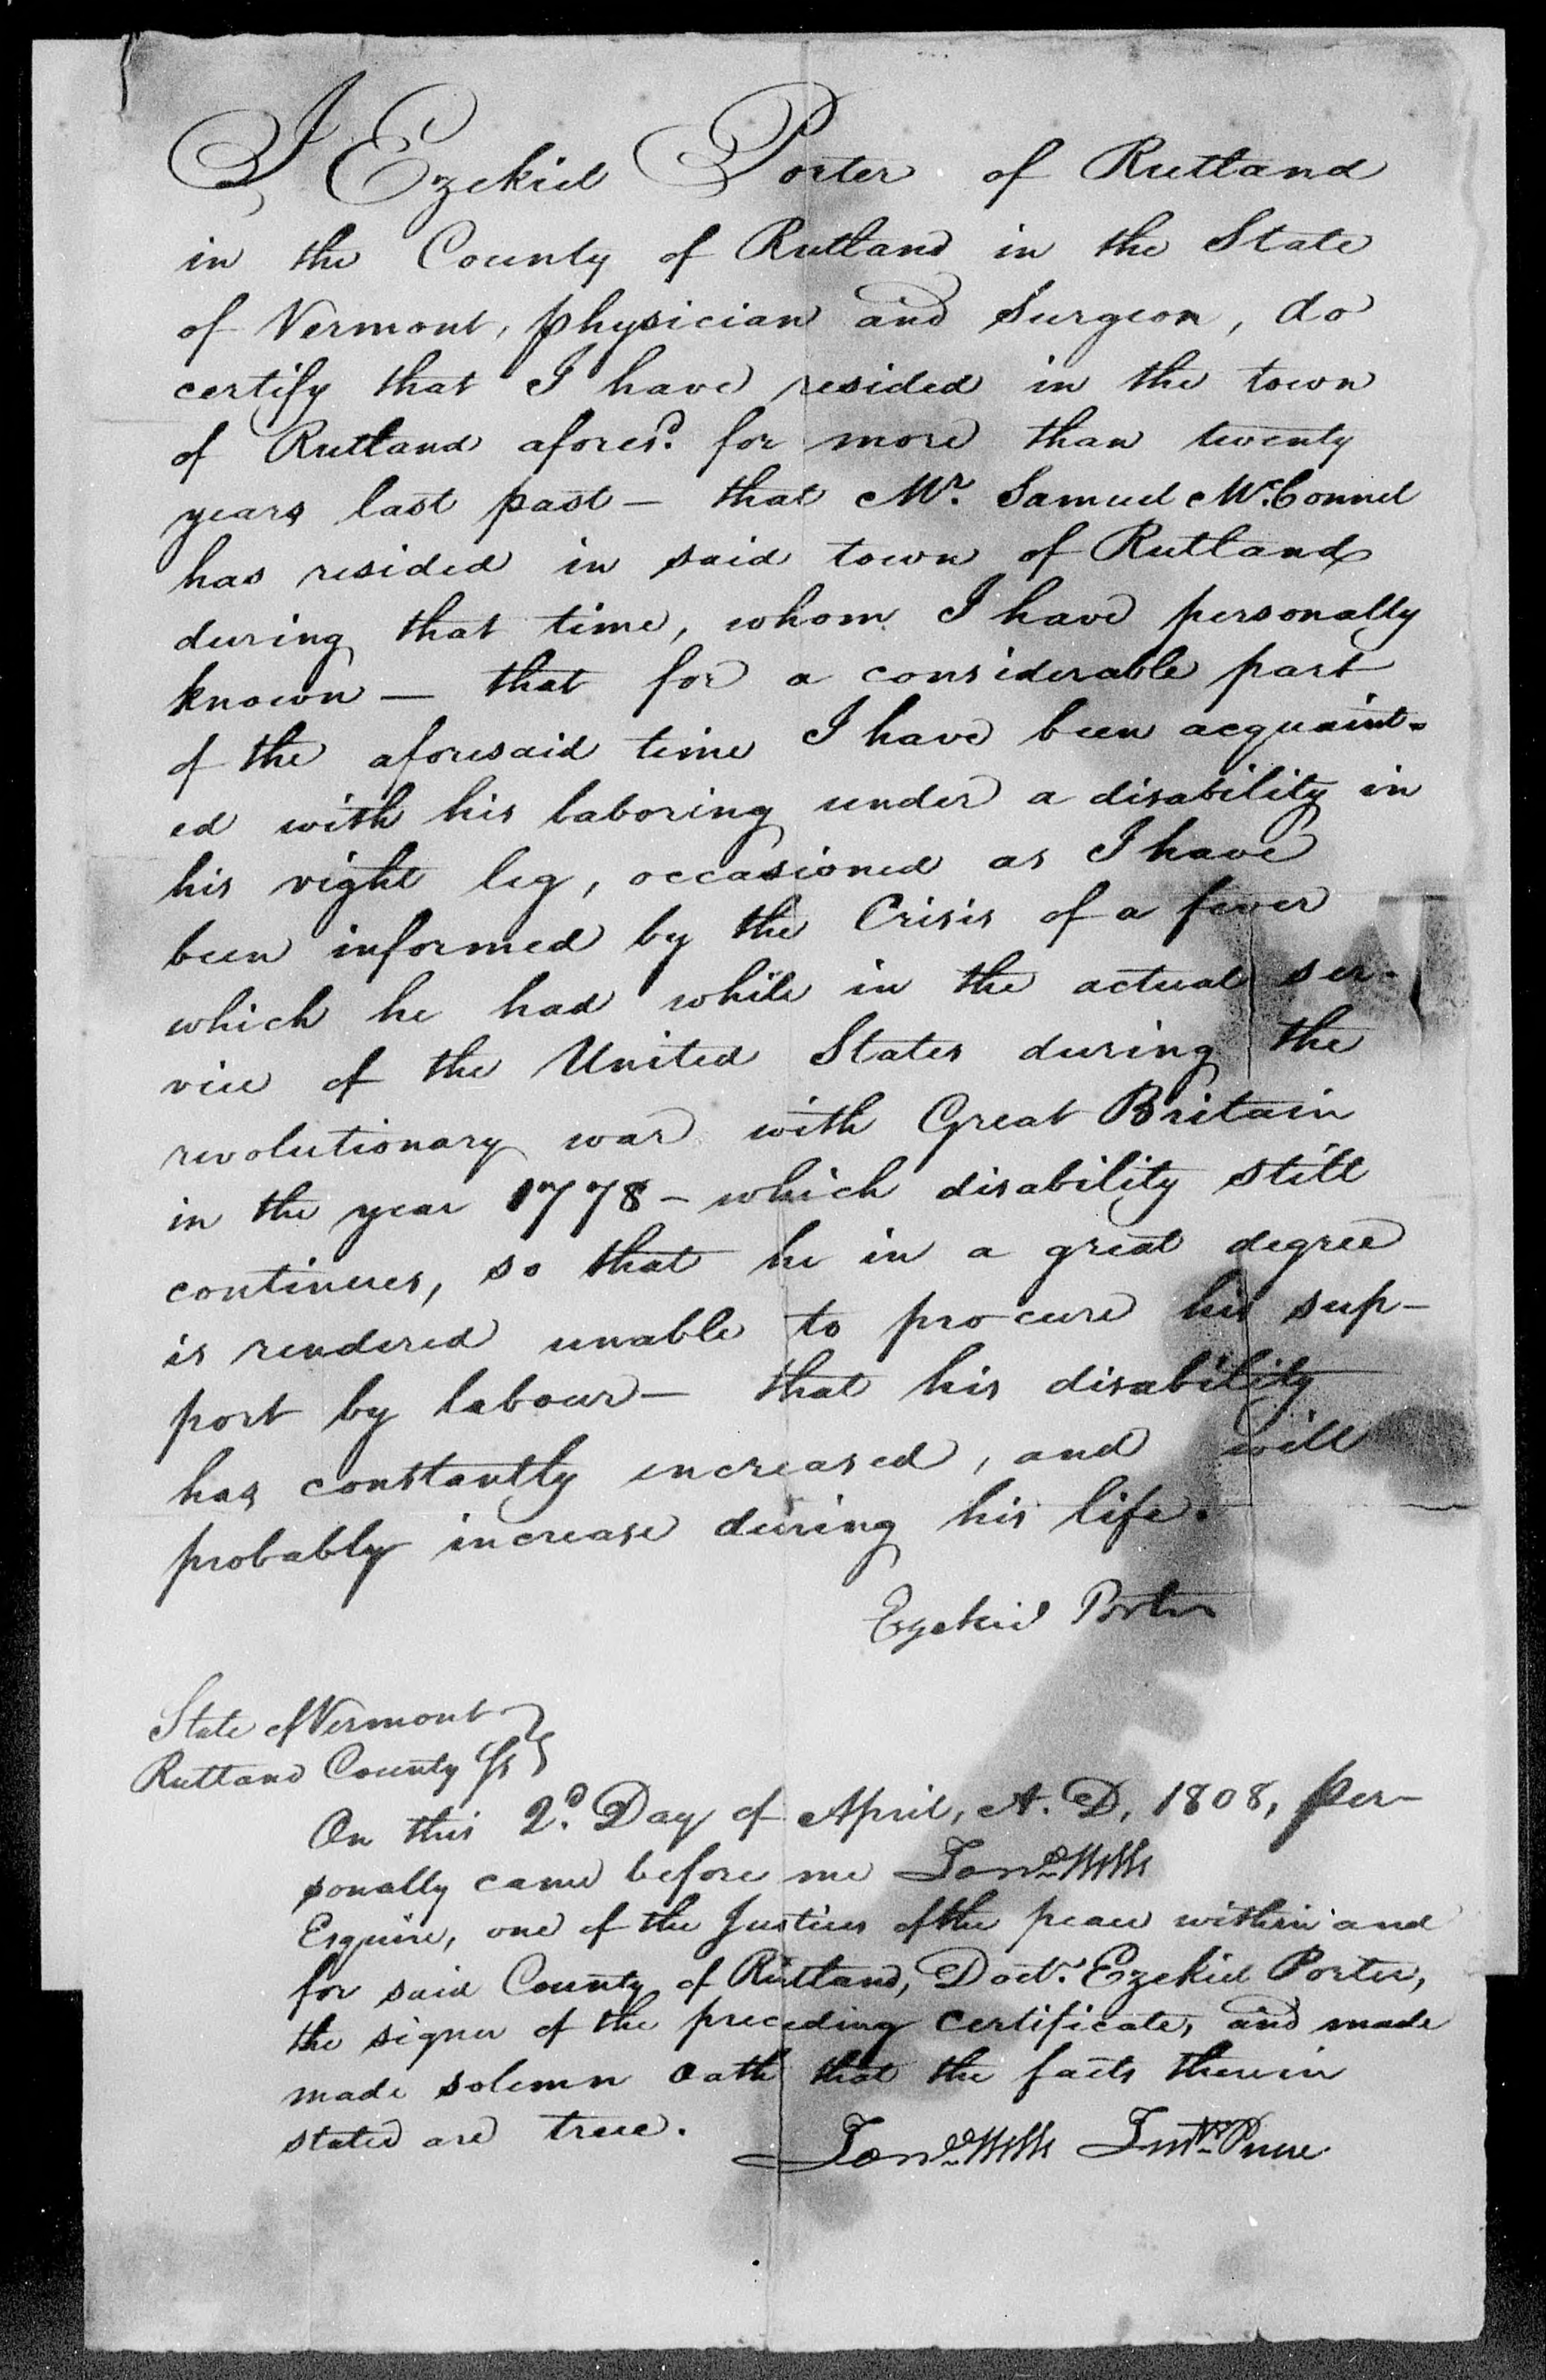I Ezekiel Porter of Rutland in the County of Rutland in the State of Vermont, physician and Surgeon, do certify that I have resided in the town of Rutland afores'd for more than twenty years last past - that Mr. Samuel McConnel has resided in said town of Rutland during that time, whom I have personally known - that for a considerable part of the aforesaid time I have been acquainted with his laboring under a disability in his right leg, occasioned as I have been informed by the Crisis of a fever which he had while in the actual service of the United States during the revolutionary war with Great Britain in the year 1778 - which disability still continues, so that he in a great degree is rendered unable to procure his support by labour - that his disability has constantly increased, and will probably increase during his life. 
/s/Ezekiel Porter
State of Vermont
Rutland County ss}
On this 2d Day of April, A.D. 1808, personally came before me Jon'a Wills Esquire, one of the Justices of the peace within and for said County of Rutland Doct'r Ezekiel Porter, the signer of the preceding certificate, and made made solemn oath that the facts therein stated are true. 
/s/Jon'a Wills Justice Peace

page: 18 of 18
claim: survivor's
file: S. 41,827, for Samuel Mc Connel, Vermont